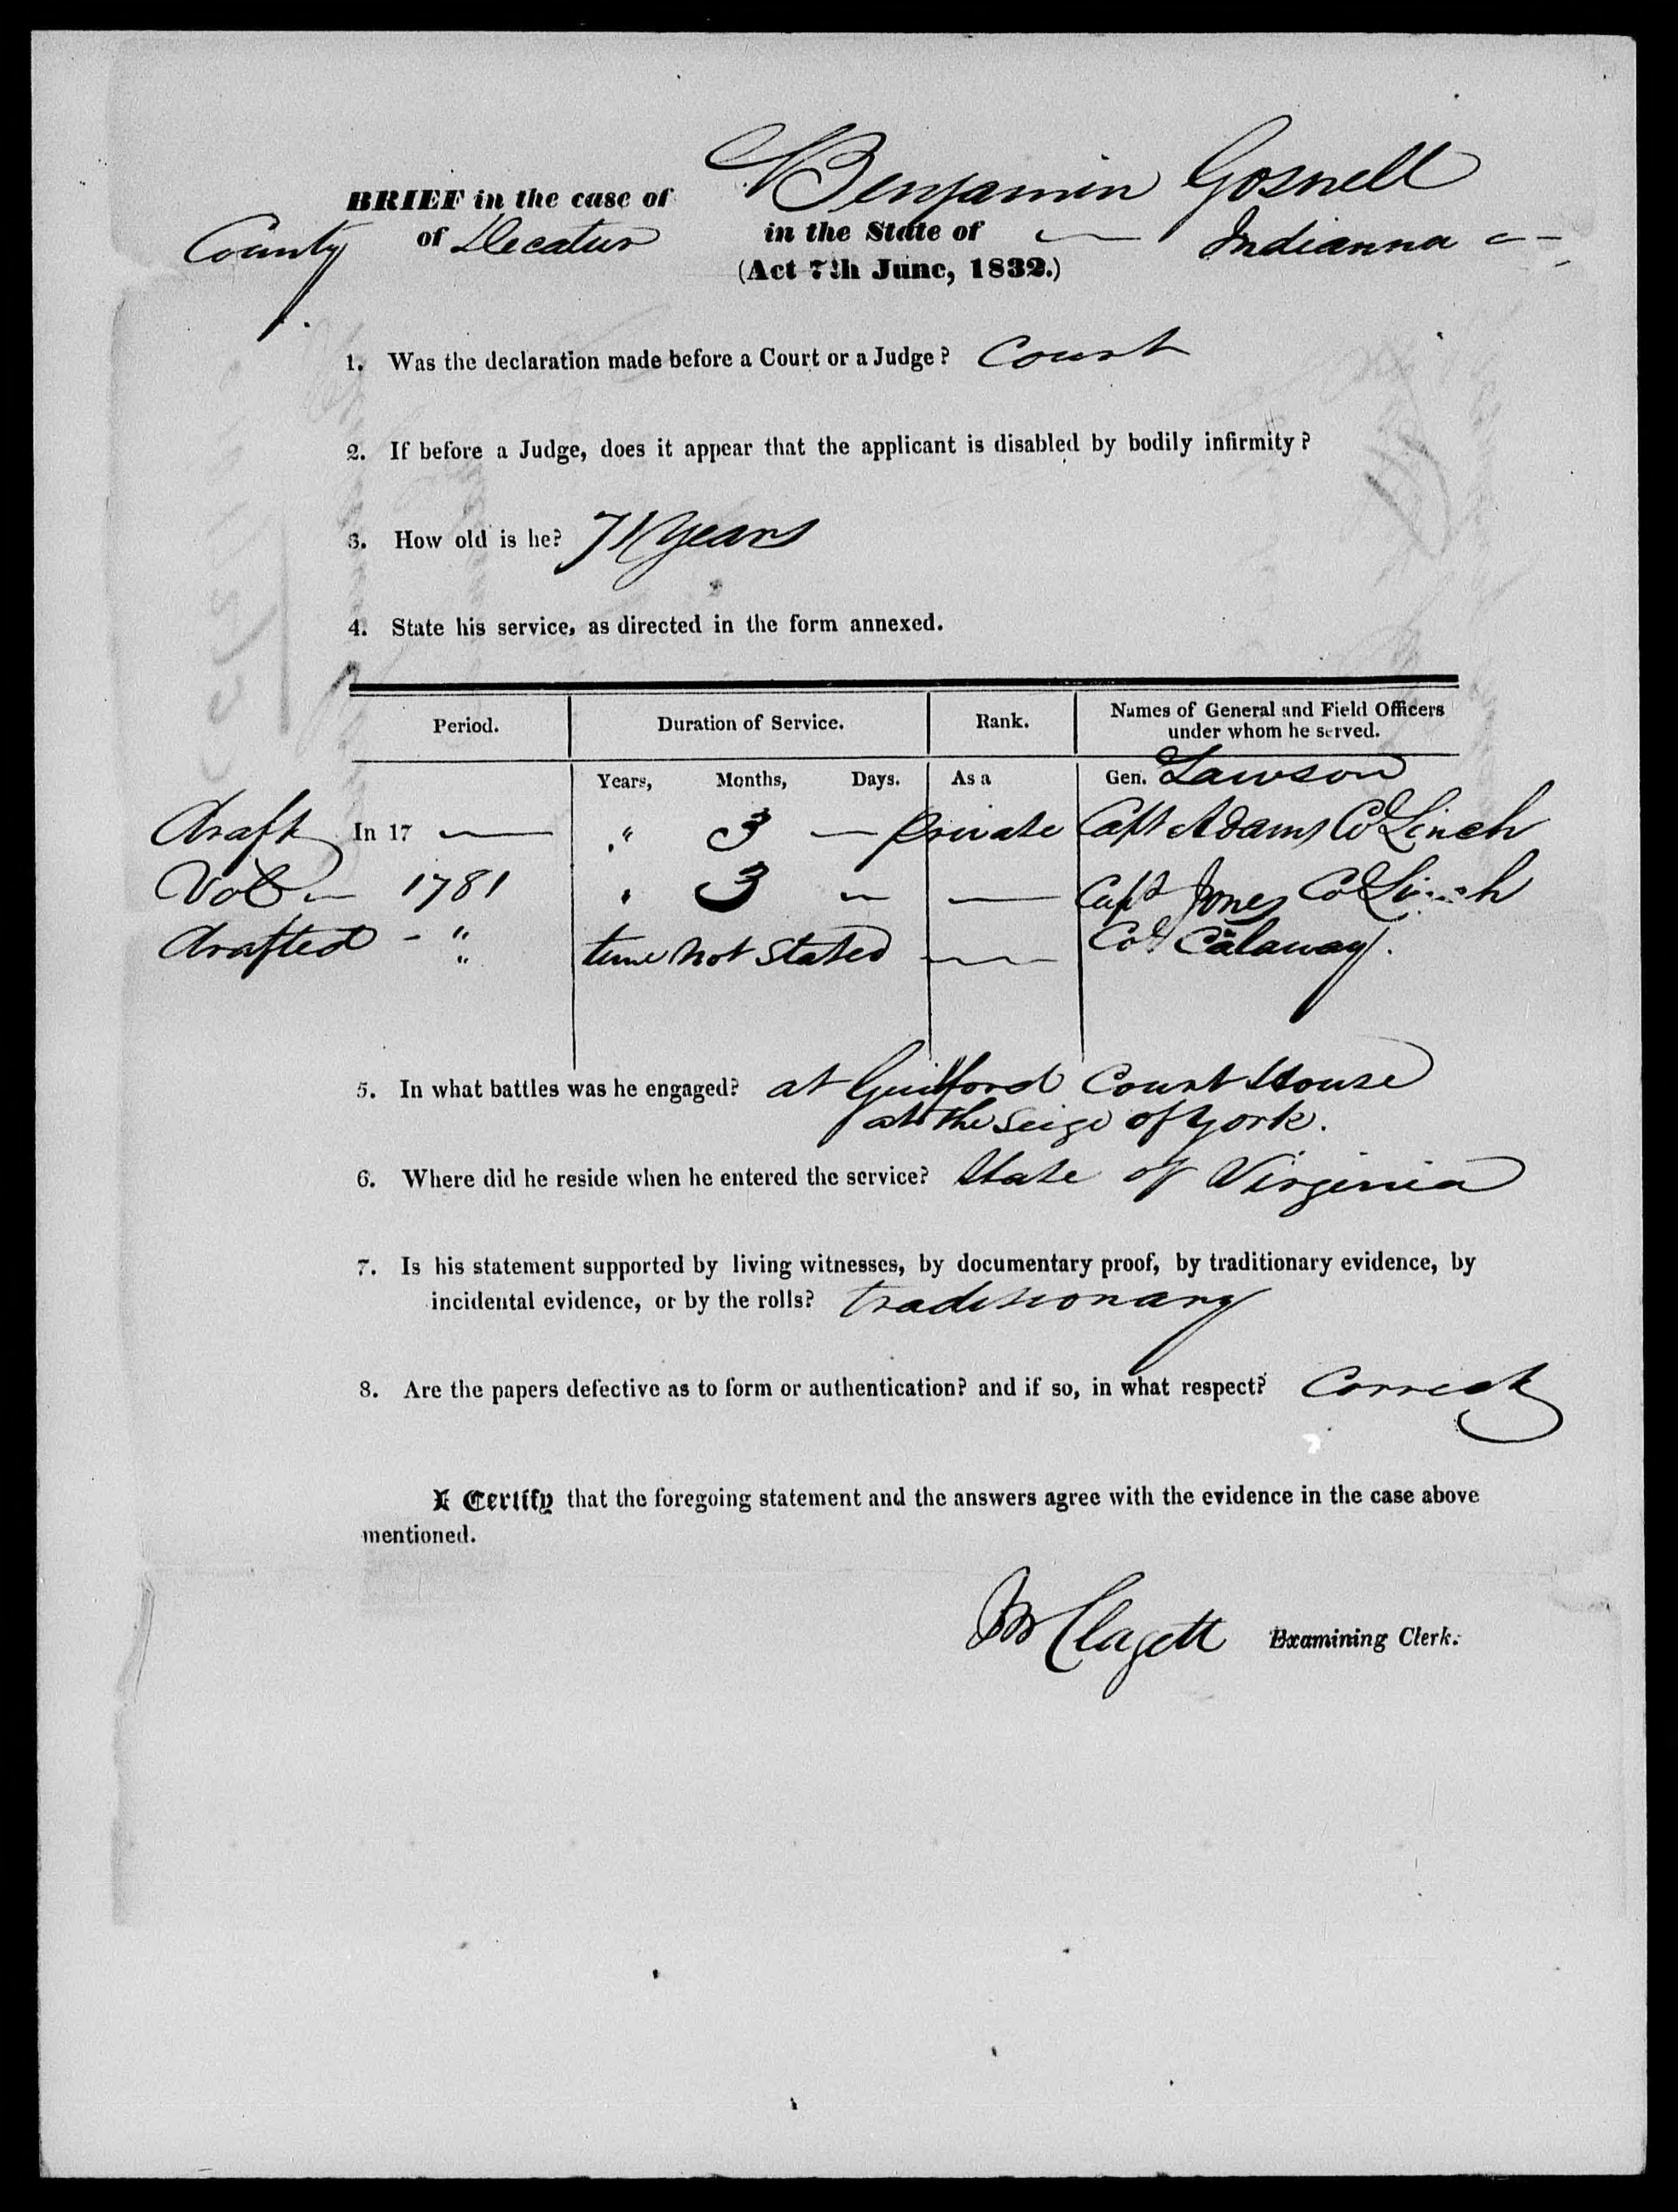BRIEF in the case of Benjamin Gosnell
County of Decatur in the State of Indiana
(Act 7th June, 1832)

1. Was the declaration made before a Court or a Judge? Court
2. If before a Judge, does it appear that the applicant is disabled by bodily infirmity?
3. How old is he 71 years
4. State his service, as directed in the form annexed.

[table]
Period. | Duration of Service. | Rank. | Names of General and Field Officers under whom he served.
Draft. in 17~ | Years " Months. 3 Days. ~ | Rank. private | Gen Lawson Capt. Adams Col Linch [Lynch]
Vol. 1781 | " 3 ~ | ~ | Capt Jones Col Linch
Drafted "" | time not stated | ~ | Col Calaway.
[end table]

5. In what battles was he engaged? at Guilford Court House at the Seige [Siege] of York/
6. Where did he reside when he entered the service? State of Virginia
7. Is his statement supported by living witnesses, by documentary proof, by traditionary evidence, by incidental evidence, or by the rolls? traditionary
8. Are the papers defective as to form or authentication? and if so, in what respect? Correct

I Certify that the foregoing statement and the answers agree with the evidence in the case above mentioned.

J W Clagett Examining Clerk:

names: Lawson, Linch, Benjamin Gosnell, J W Clagett, Adams, Jones, Linch, Calaway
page: 18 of 39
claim: widow's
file: W. 11060, Benjamin Gosnell, Va.